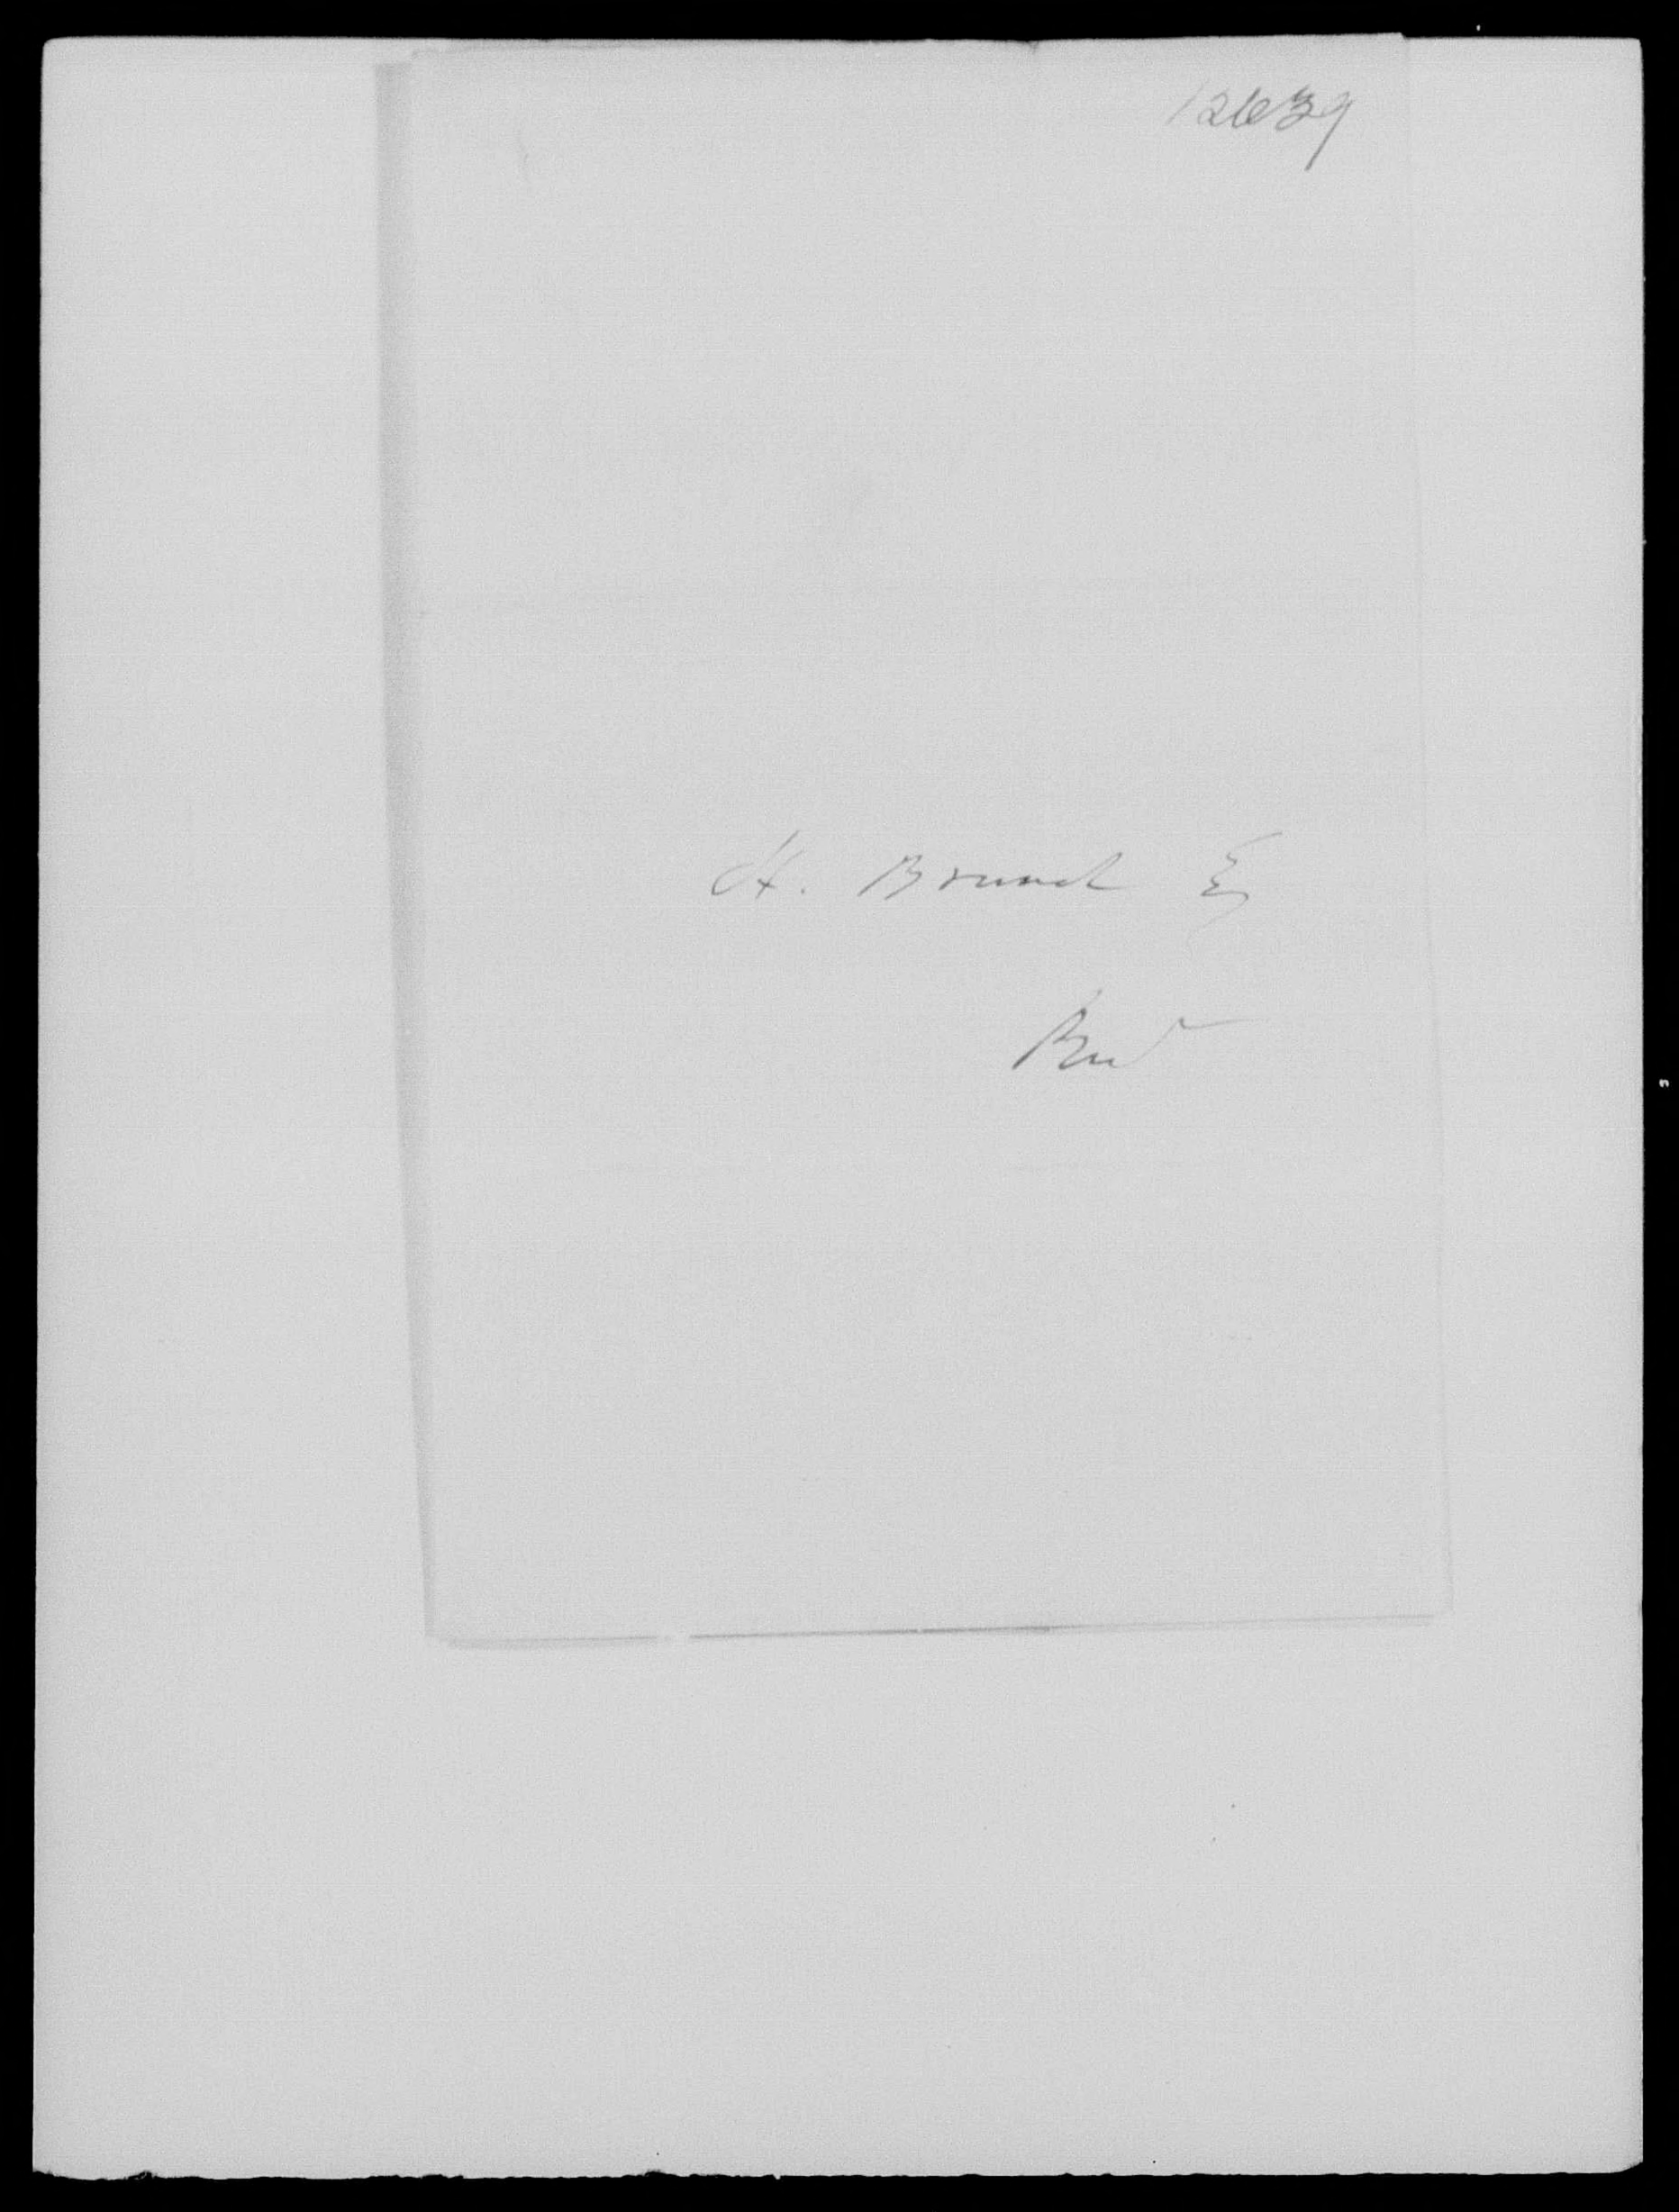(3-1776)
SERVICE
Penn. 
NUMBER
R. 1371
Bruno, Felix
or Brenot, Elizabeth Kreider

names: H Brunot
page: 31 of 34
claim: rejected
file: R. 1371, Felix Brunot, Penn.